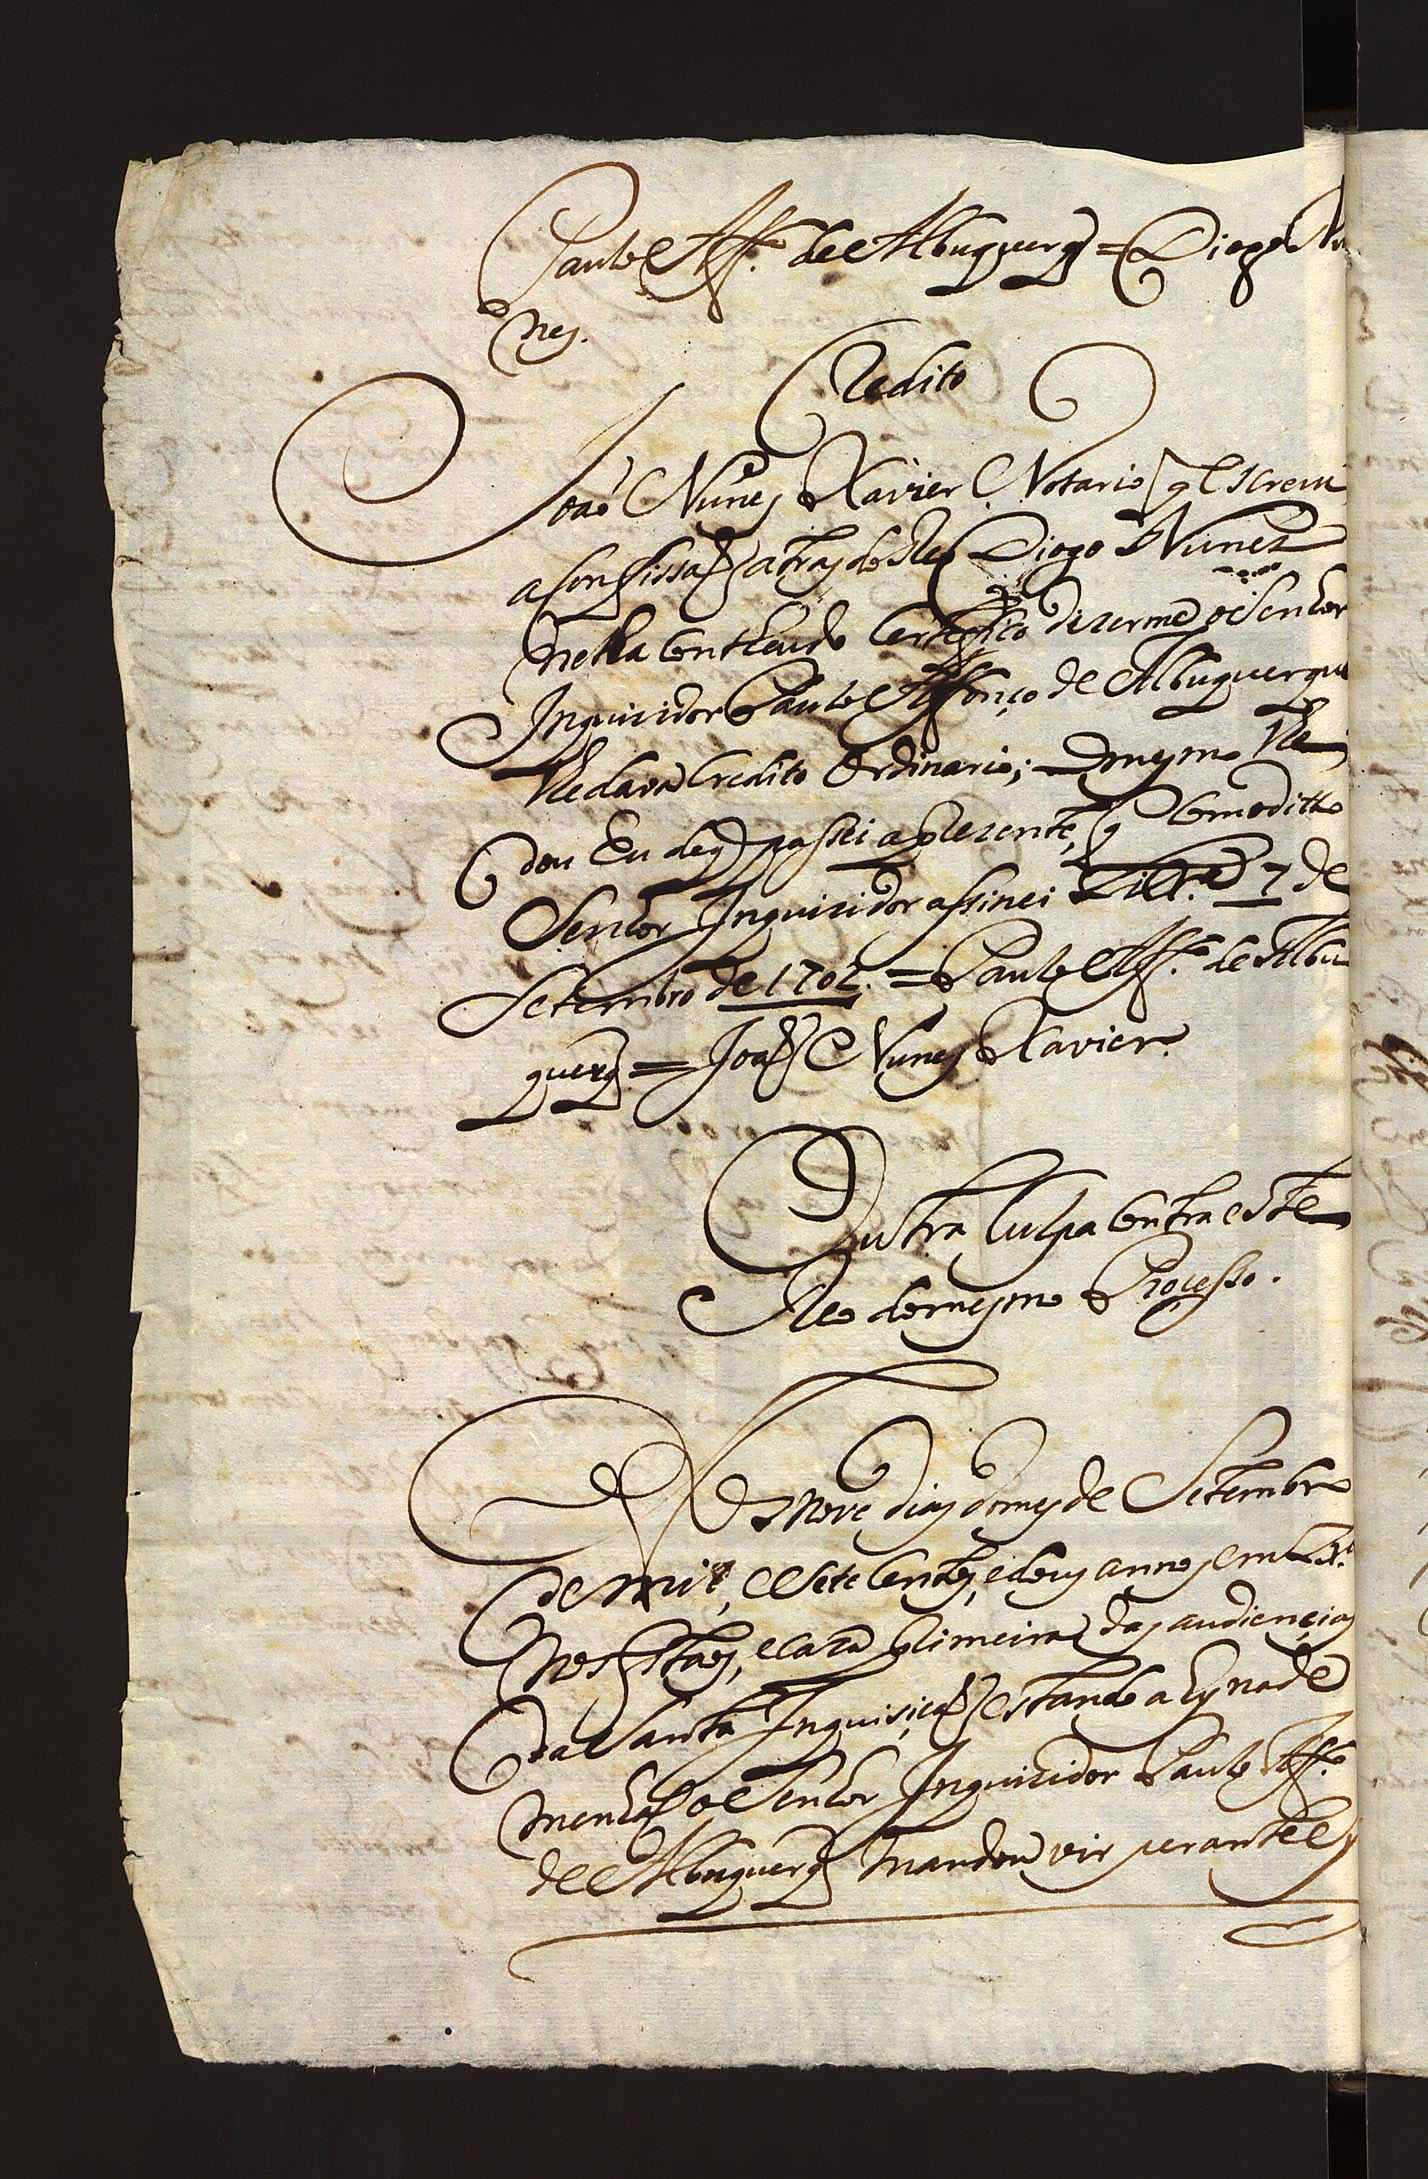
Paulo Aff.o de Albuquerq̄ = Diogo Nu
nes.
Credito
Joaõ Nunes Xavier Notario q̄ Escreui
a Confissaõ atras do Reo Diogo Nunez
nella Contheudo Certefico dizerme o Senhor
Jnquizidor Paulo Affonço de Albuquerqu
lhe dava Credito Ordinario; O mesmo lhe
dou Eu de q̄ passei a prezente, q̄ Como ditto
Senhor Jnquizidor assinei Lix.a 7 de
Setembro de 1702. = Paulo Aff.o de Albu
querq̄ = Joaõ Nunes Xavier
Outra Culpa contra este
Reo do mesmo Proçesso.
os nove dias do mes de Setembro
de mil, e setecentos, e dous annos em Lx.
nos Estaos, e caza primeira das audiençias
da Santa Jnquisiçaõ estando ahy na de
menhã o Senhor Jnquizidor Paulo Aff.o
de Albuquerq̄ mandou vir perante sy
